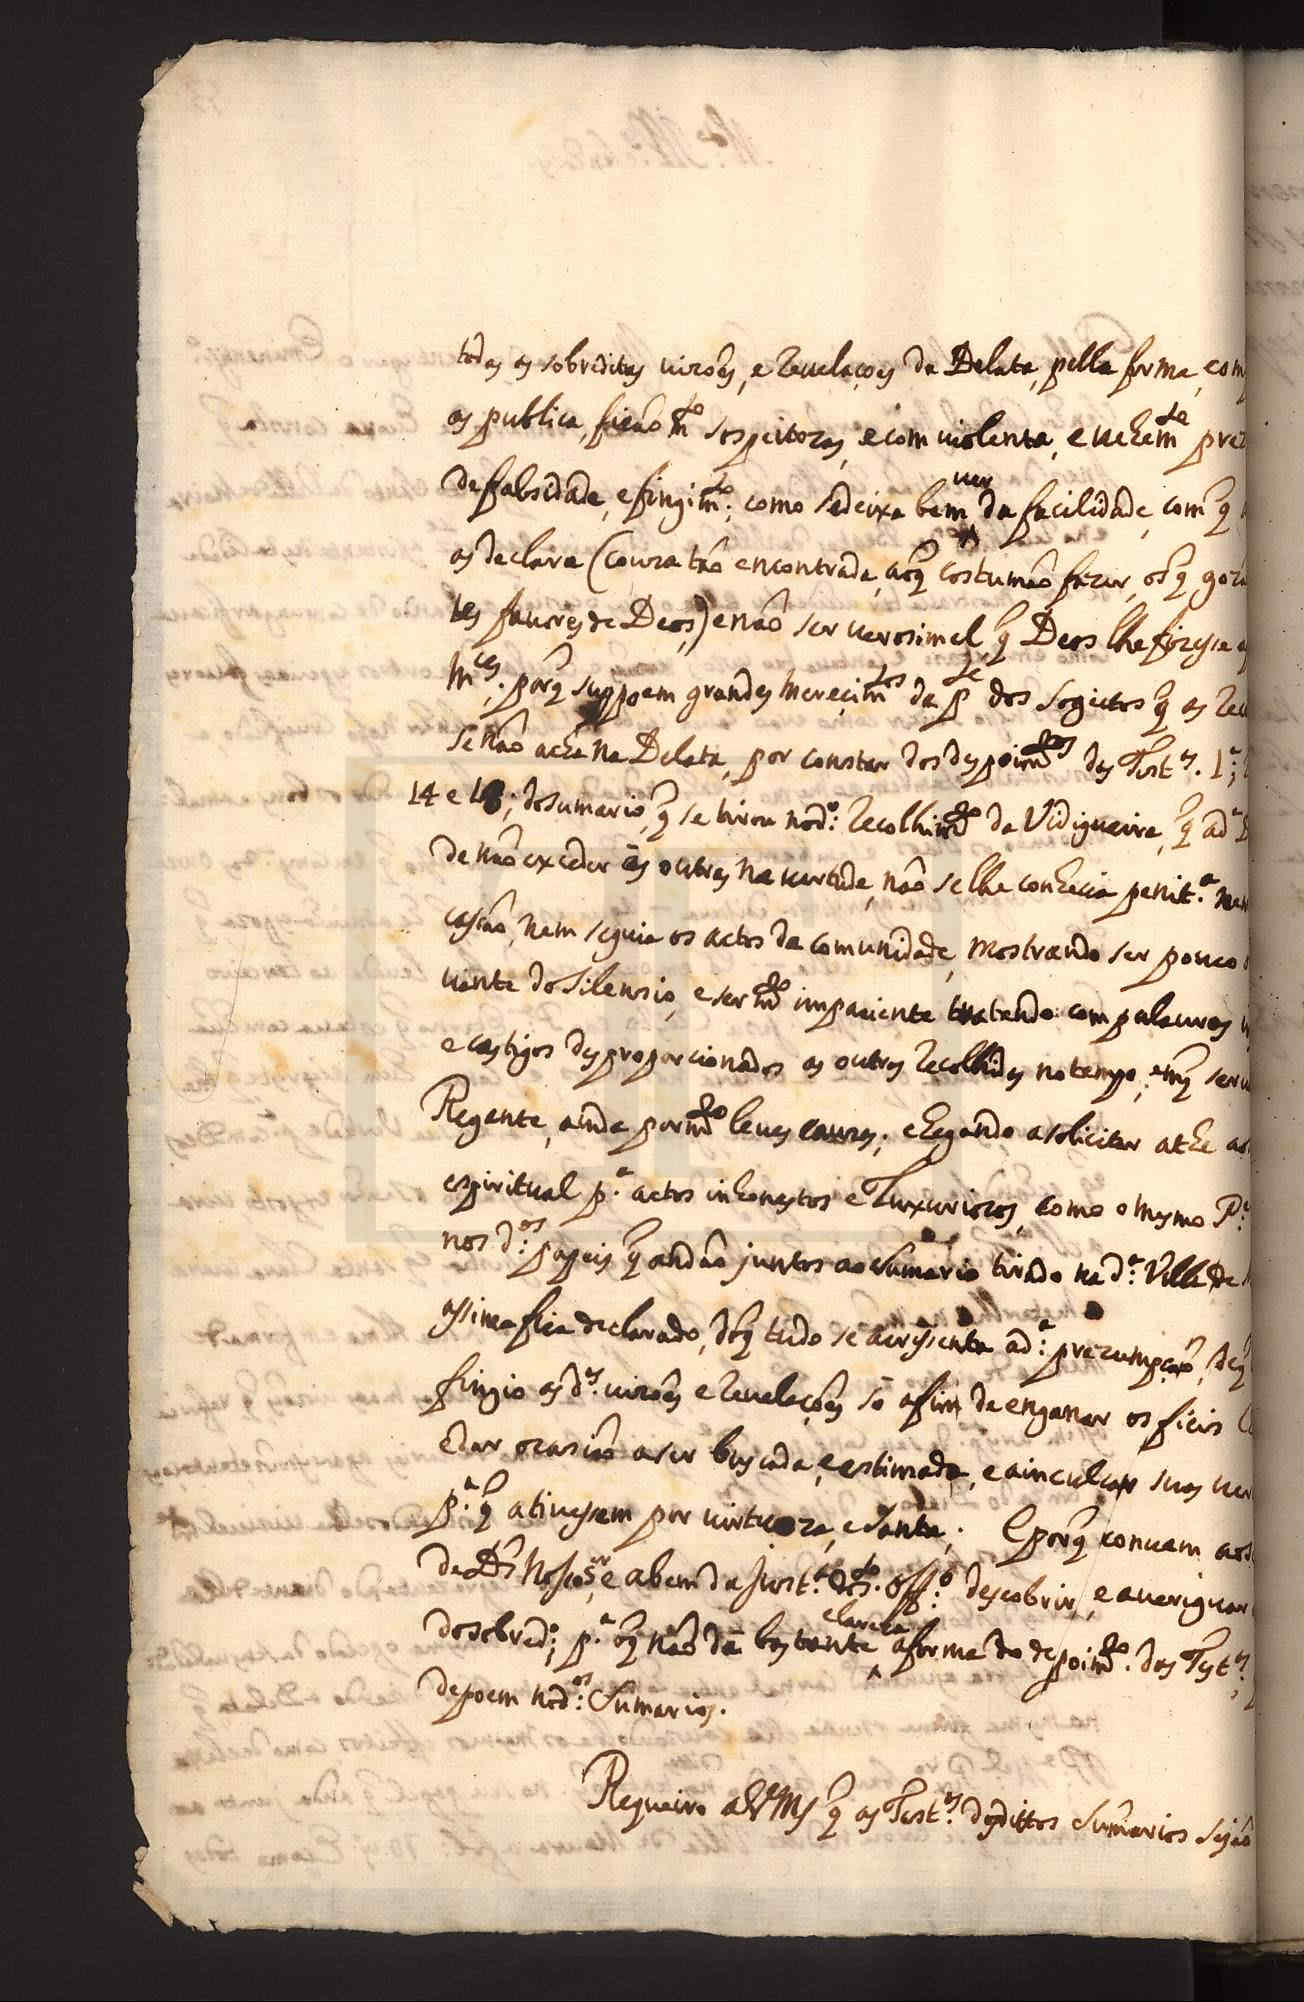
todas as sobreditas uizoẽs, e Reuelaçoes da Delata, pella forma, com
as publica, ficaõ mto sospeitozas, e com violenta, e uehemte prez
uer
de falsidade, e fingim.to como se deixa bem
da facilidade com q̄
as declara (couza taõ encontrada, ao q̄ costumaõ fazer, os q̄ goza
tes fauores de Deos,) e naõ ser uerosimel, q̄ Deos lhe fizesse a
M.ces, porq̄ suppoem grandes merecimtos de pte dos sogeitos q̄ os Rec
se naõ acha na Delata, por constar dos despoimtos das Testas. 1.a
14 e 18; do sumario, q̄ se tirou no d.o Recolhimto da Vidigueira, q̄ a da D
de naõ exceder às outras na uertude, naõ se lhe conhecia penit.a ne
cassaõ, nem seguia os actos da comunidade, mostrando ser pouco
uante do Silensio, e ser mto impaciente tratando com palauras
e castigos desproporcionados as outras Recolhidas no tempo; em q̄ seru
Regente, ainda por mto leues cauzas, chegando a solicitar athe ao
espiritual p.a actos inhonestos e Luxuriozos, como o mesmo P.e
nos d.os papeis q̄ andaõ juntos ao Sumario tirado na d.a Villa de
assima fica declarado, do q̄ tudo se acressenta a d.a prezumpçaõ de q̄
fingio as d.as uizoẽs e Reuelaçoẽs só a fim de enganar os fieis
e dar ocaziaõ a ser buscada, e estimada, e a inculcar suas uer
p.a q̄ a tiuessem por uirtuoza, e Santa; E porq̄ conuem aos
de Ds̄ Nosso Sor, e a bem da Just.a o s.to off.o descobrir, e aueriguar
clareza
do sobred.o, p.a o q̄ naõ dá bastante
a forma do depoim.to das Testas.
depoem no d.os Sumarios.
Requeiro a V Ms q̄ as Test.as dos dittos Sum̄arios sejaõ
